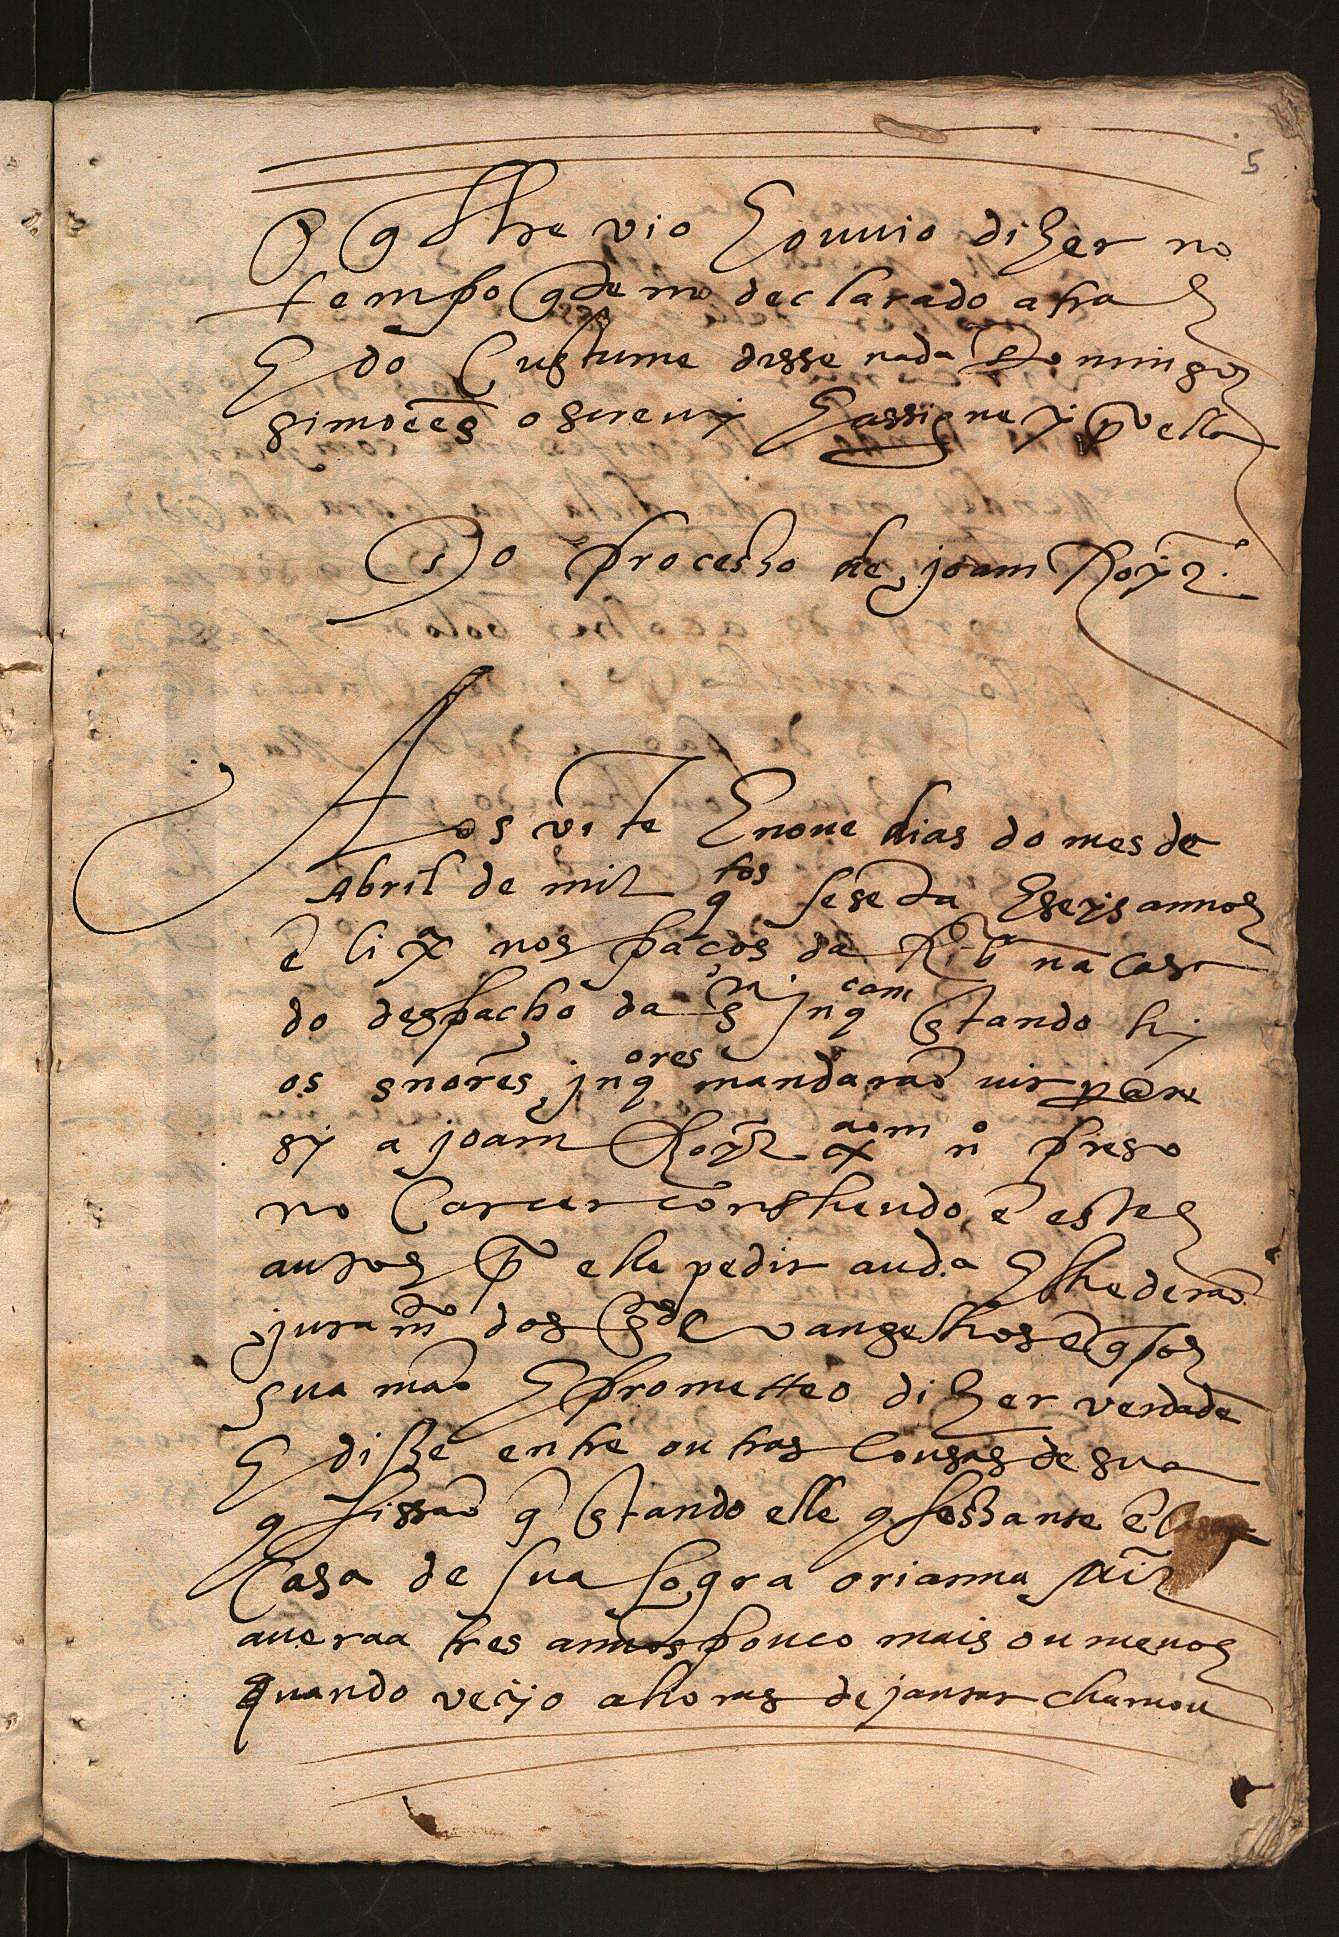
O q̅ lhe vio E ouuio dizer no
tempo q̅ tem declarado atras
E do Custume disse nada Domingos
Simõees o screuy E assigney p̅o ella
Do processo de joam Roy̅z
Aos v̅ite E noue dias do mes de
Abril de miL qtos ses̅eta E seys annos
e̅ lixa nos paços da Ribra na casa
do despacho da Sta Jnqcam stando hy
os snor̅es Jnqores mandarão uir ꝑ.āte
sy a joam Roy̅z xam no preso
no Carcer contheudo e̅ estes
autos p̅o elle pedir aud.a E lhe derão
juramto dos S̄tos euangelhos e̅ q̅ pos
sua mão E prometteo dizer verdade
E disse entre outras cousas de sua
ꝯfissão q̅ estando elle ꝯfessante e̅ _
Casa de sua sogra orianna Mi̅z
Aueraa tres annos pouco mais ou menos
quando veyo a horas de jantar chamou
